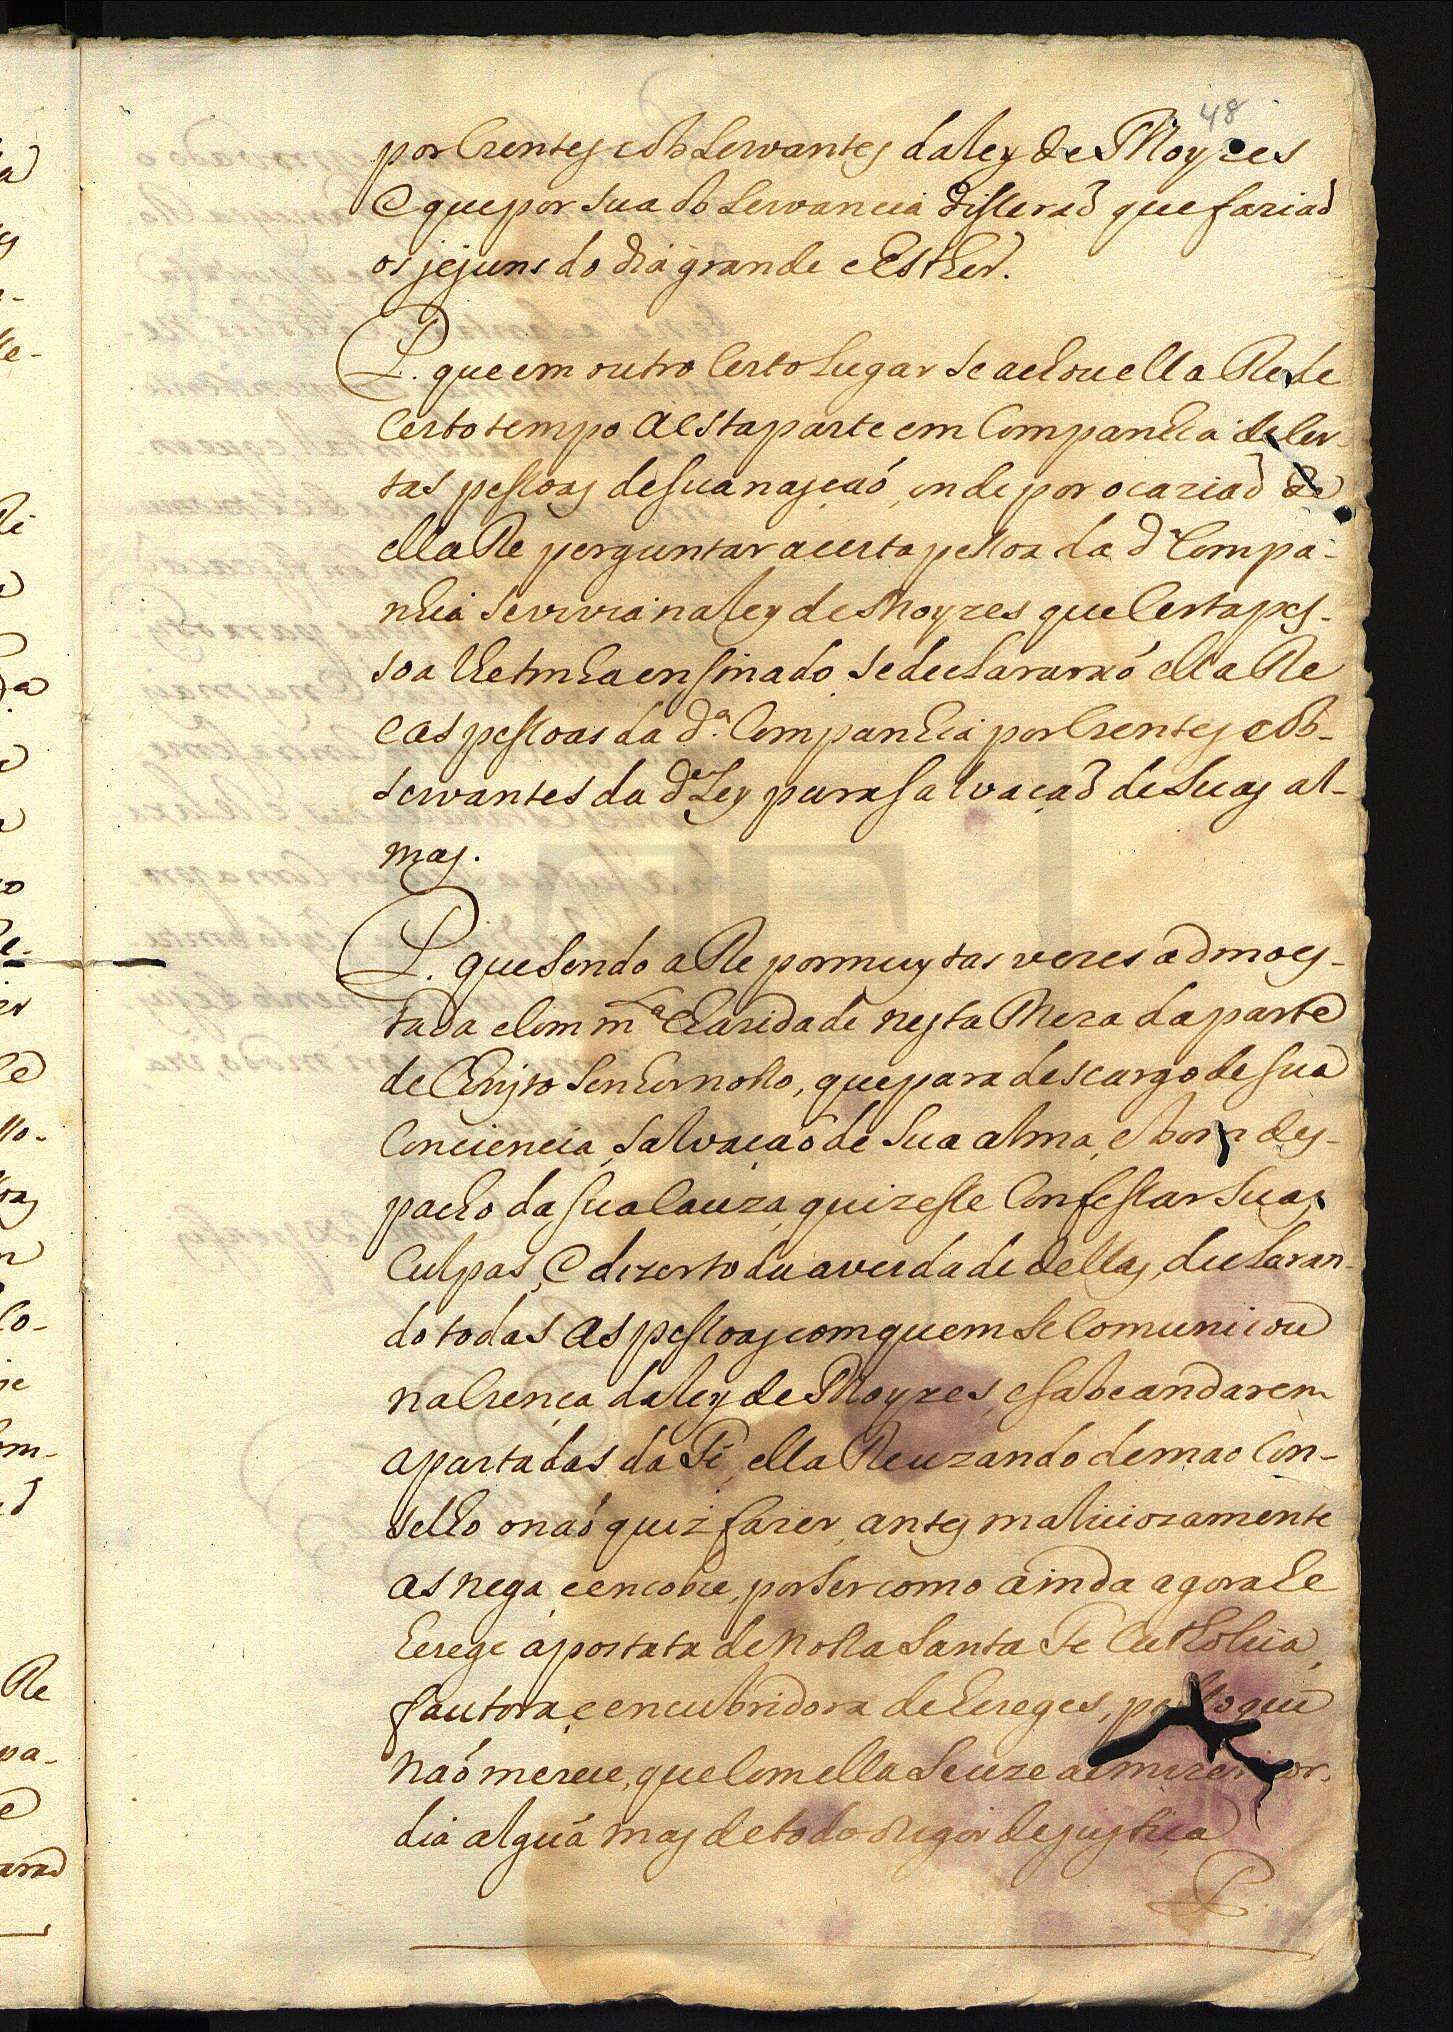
por Crentes e observantes da Ley de Moyses
e que por sua observancia disseraõ que faziaõ
os jejuns do dia grande e Esther.
P. que em outro certo Lugar se achou ella Re de
certo tempo a esta parte em companhia de cer
tas pessoas de sua nasçaõ, onde por ocaziaõ de
ella Re perguntar a certa pessoa da da compa
nhia se vivia na ley de Moyzes que certa pes
soa lhe tinha ensinado se declararaõ ella Re
e as pessoas da d.a companhia por crentes e ob
servantes da d.a Ley para salvaçaõ de Suas alm
mas.
P. que sendo a Re por muytas vezes admoes
tada e com mta charidade nesta Meza da parte
de Christo senhor nosso, que para descargo de sua
conciencia, salvaçaõ de sua alma, e bom des
pacho da sua cauza, quizesse confessar suas
culpas, e dizer toda a verdade dellas, declaran
do todas as pessoas com quem Se comunicou
na crença da ley de Moyzes, e sabe andarem
apartadas da Fé, ella Re uzando de mao con
selho o naõ quiz fazer, antes maliciozamente
as nega e encobre, por ser como ainda agora he
herege apostata de nossa Santa Fe Catholica,
fautora, e encubridora de hereges, pe_lo que
naõ merece, que com ella se uze ae mize__or
dia alguā mas de todo o rigor de justiça
P.
